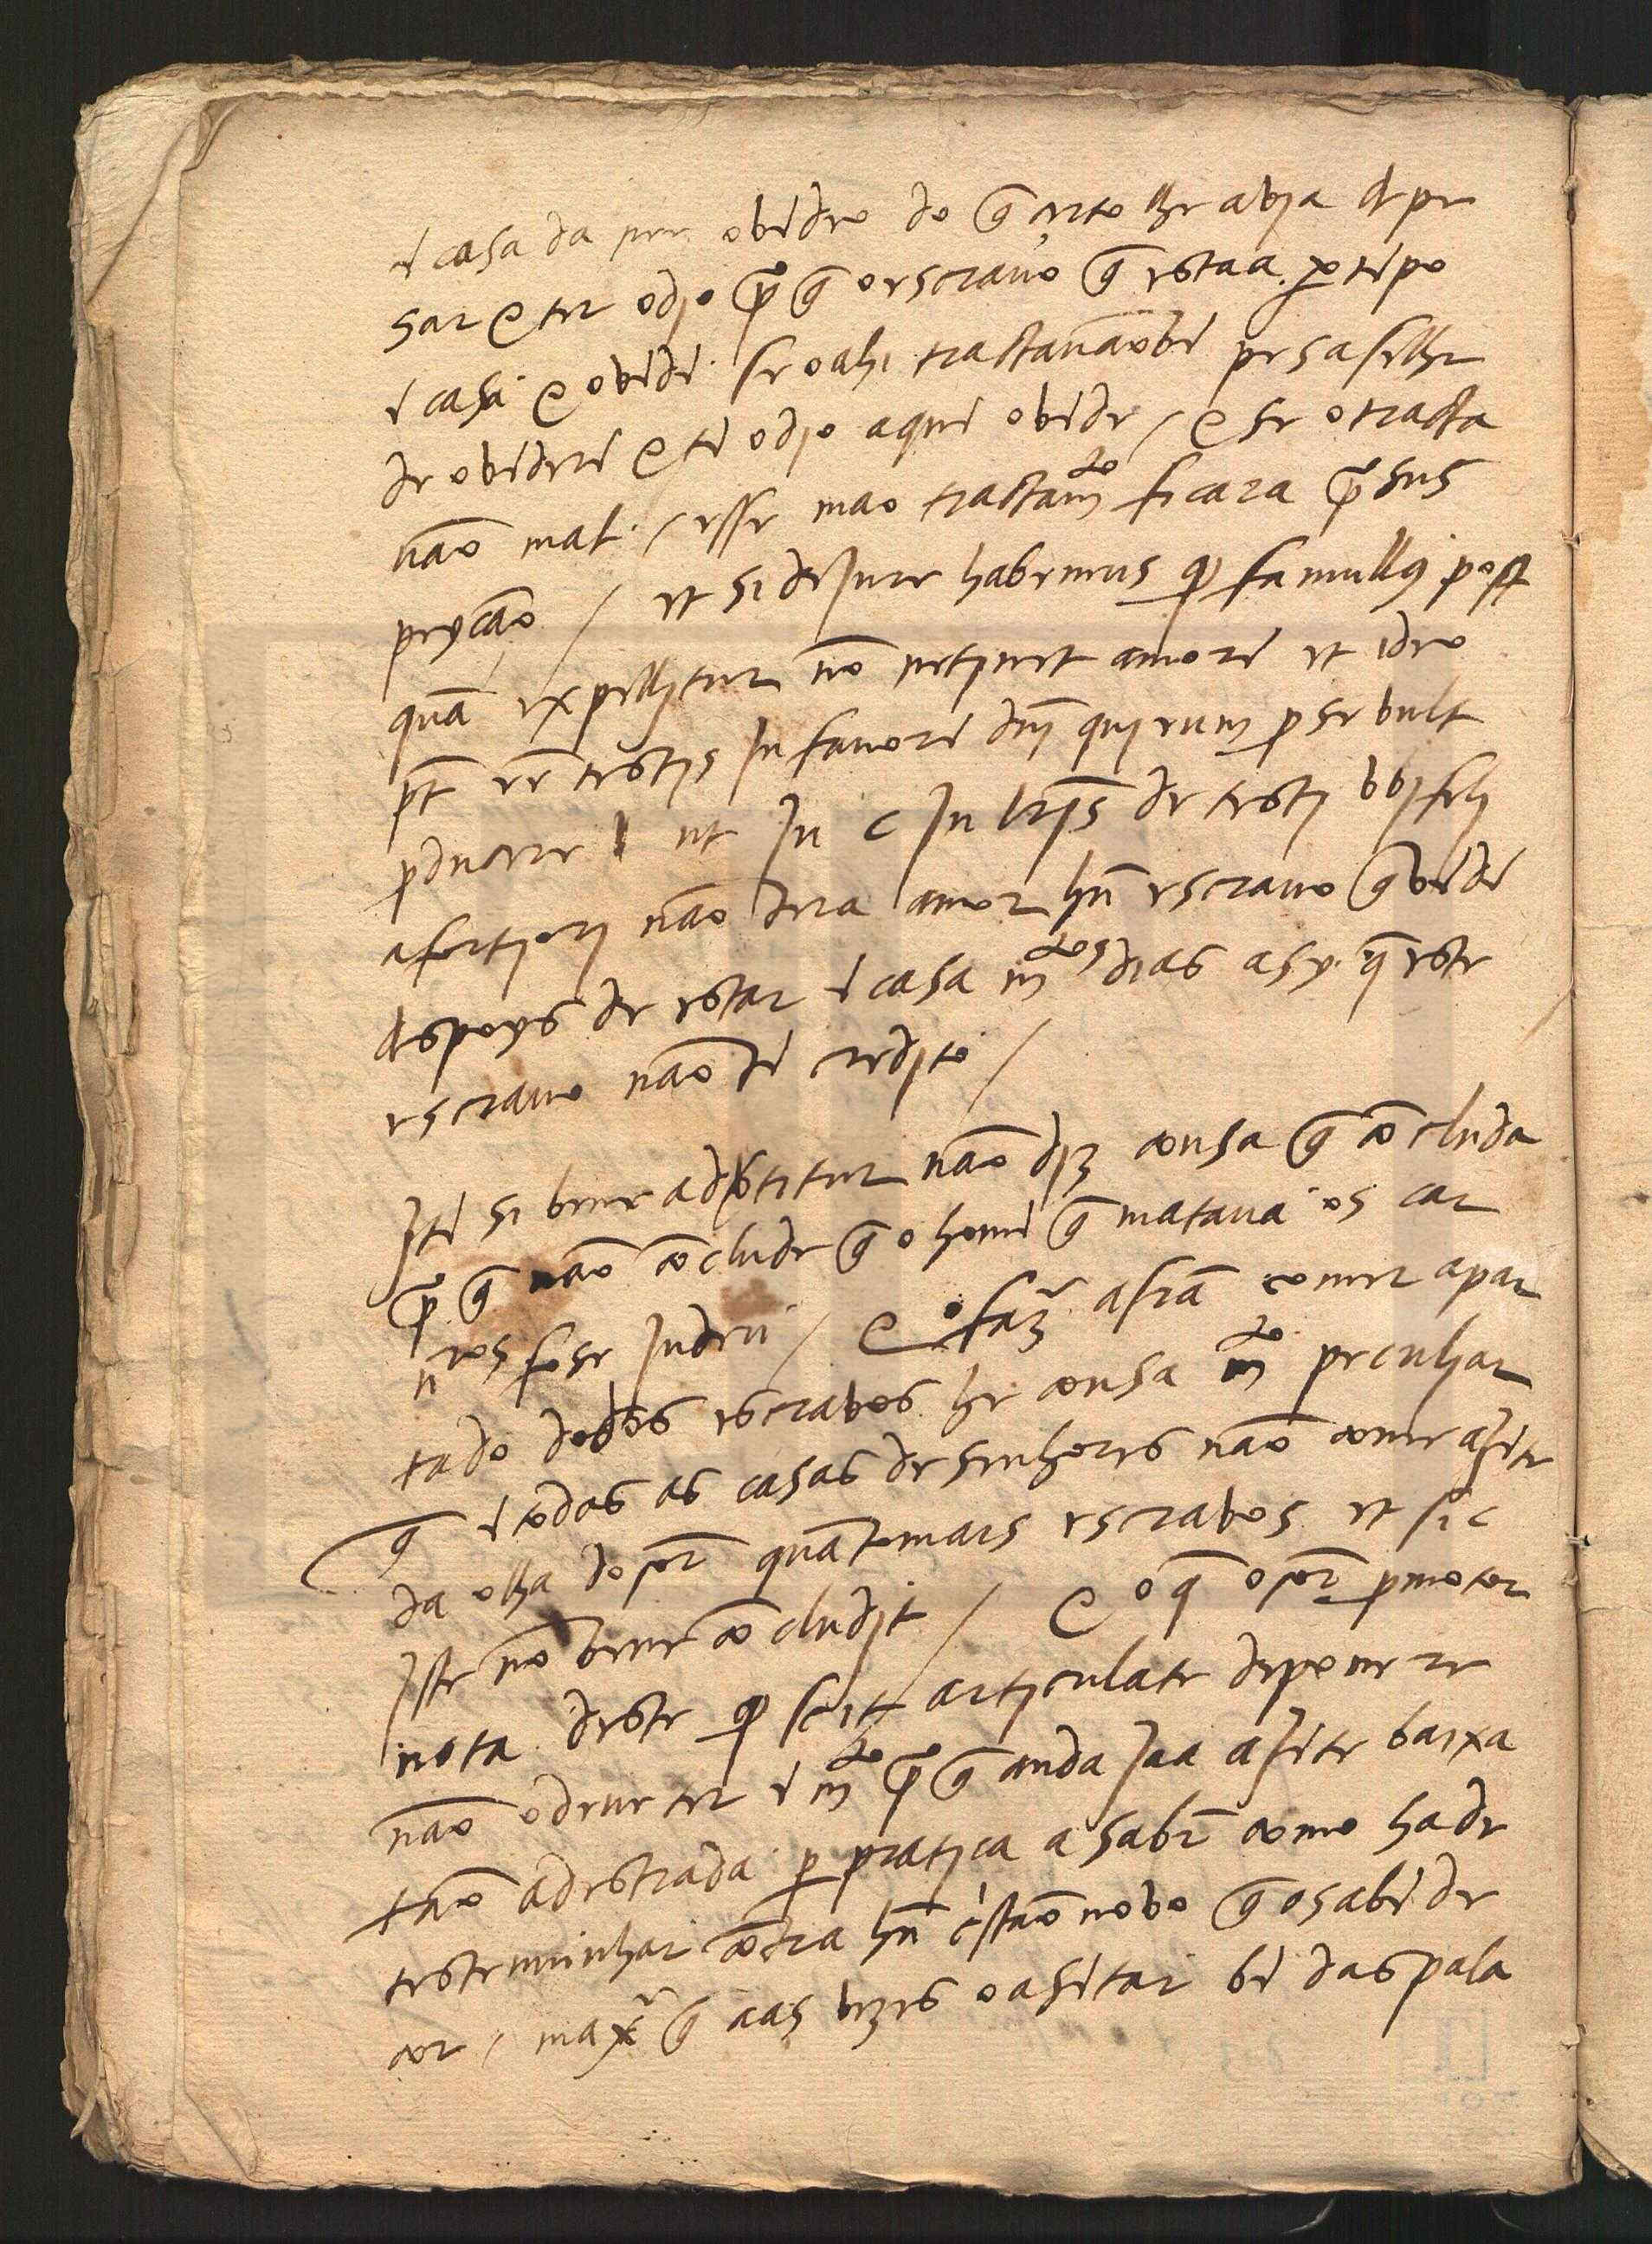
ē casa da ree o vēdeo do q̄ certo lhe avja de pe
sar e ter odjo p̄oq̄ o escrauo q̄ estaa ꝑ tēpo
ē casa e o vēdē se o ahi tractauão bē pesa se lhe
de o vēderē e tē odjo a quē o vēde / e se o tracta
uão mal / esse mao tractamto ficara p̄o sus
peyção / et si de Jure habemus ꝙ famullꝯ post
quā expelljtur n̄o retjnet amorē et ideo
pt̄ eē testjs Jn fauorē dnj̄ quj eum ꝓ se vult
ꝓducere ut Jn c Jn lrj̄s de testj vbj felj
a fortjorj não tera amor hū escrauo q̄ vēdē
despoys de estar ē casa mtos dias asy q̄ este
escrauo não tē credjto
Jtē si bene adꝟtitur não djz cousa q̄ cōcluda
p̄oq̄ não c̄oclude q̄ o homē q̄ mataua os car
nros fose Judeu / e o faz̄ a srā comer apar
tado do dōs escravos he cousa mto peculjar
q̄ ē todas as casas de senhores não comer a Jēte
da olha do sōr quāto mais escravos et sic
Jste n̄o bene cōcludjt / e o q̄ o sōr ꝓmotor
nota deste ꝙ scit artjculate deponere
não o deue ter ē mto p̄oq̄ anda Jaa a Jēte baixa
tão adestrada ꝑ pratjca a sabr̄ como ha de
testemunhar cōtra hū cistão novo q̄ os sabē de
cor / max̄ q̄ aas vezes o asētar bē das pala
